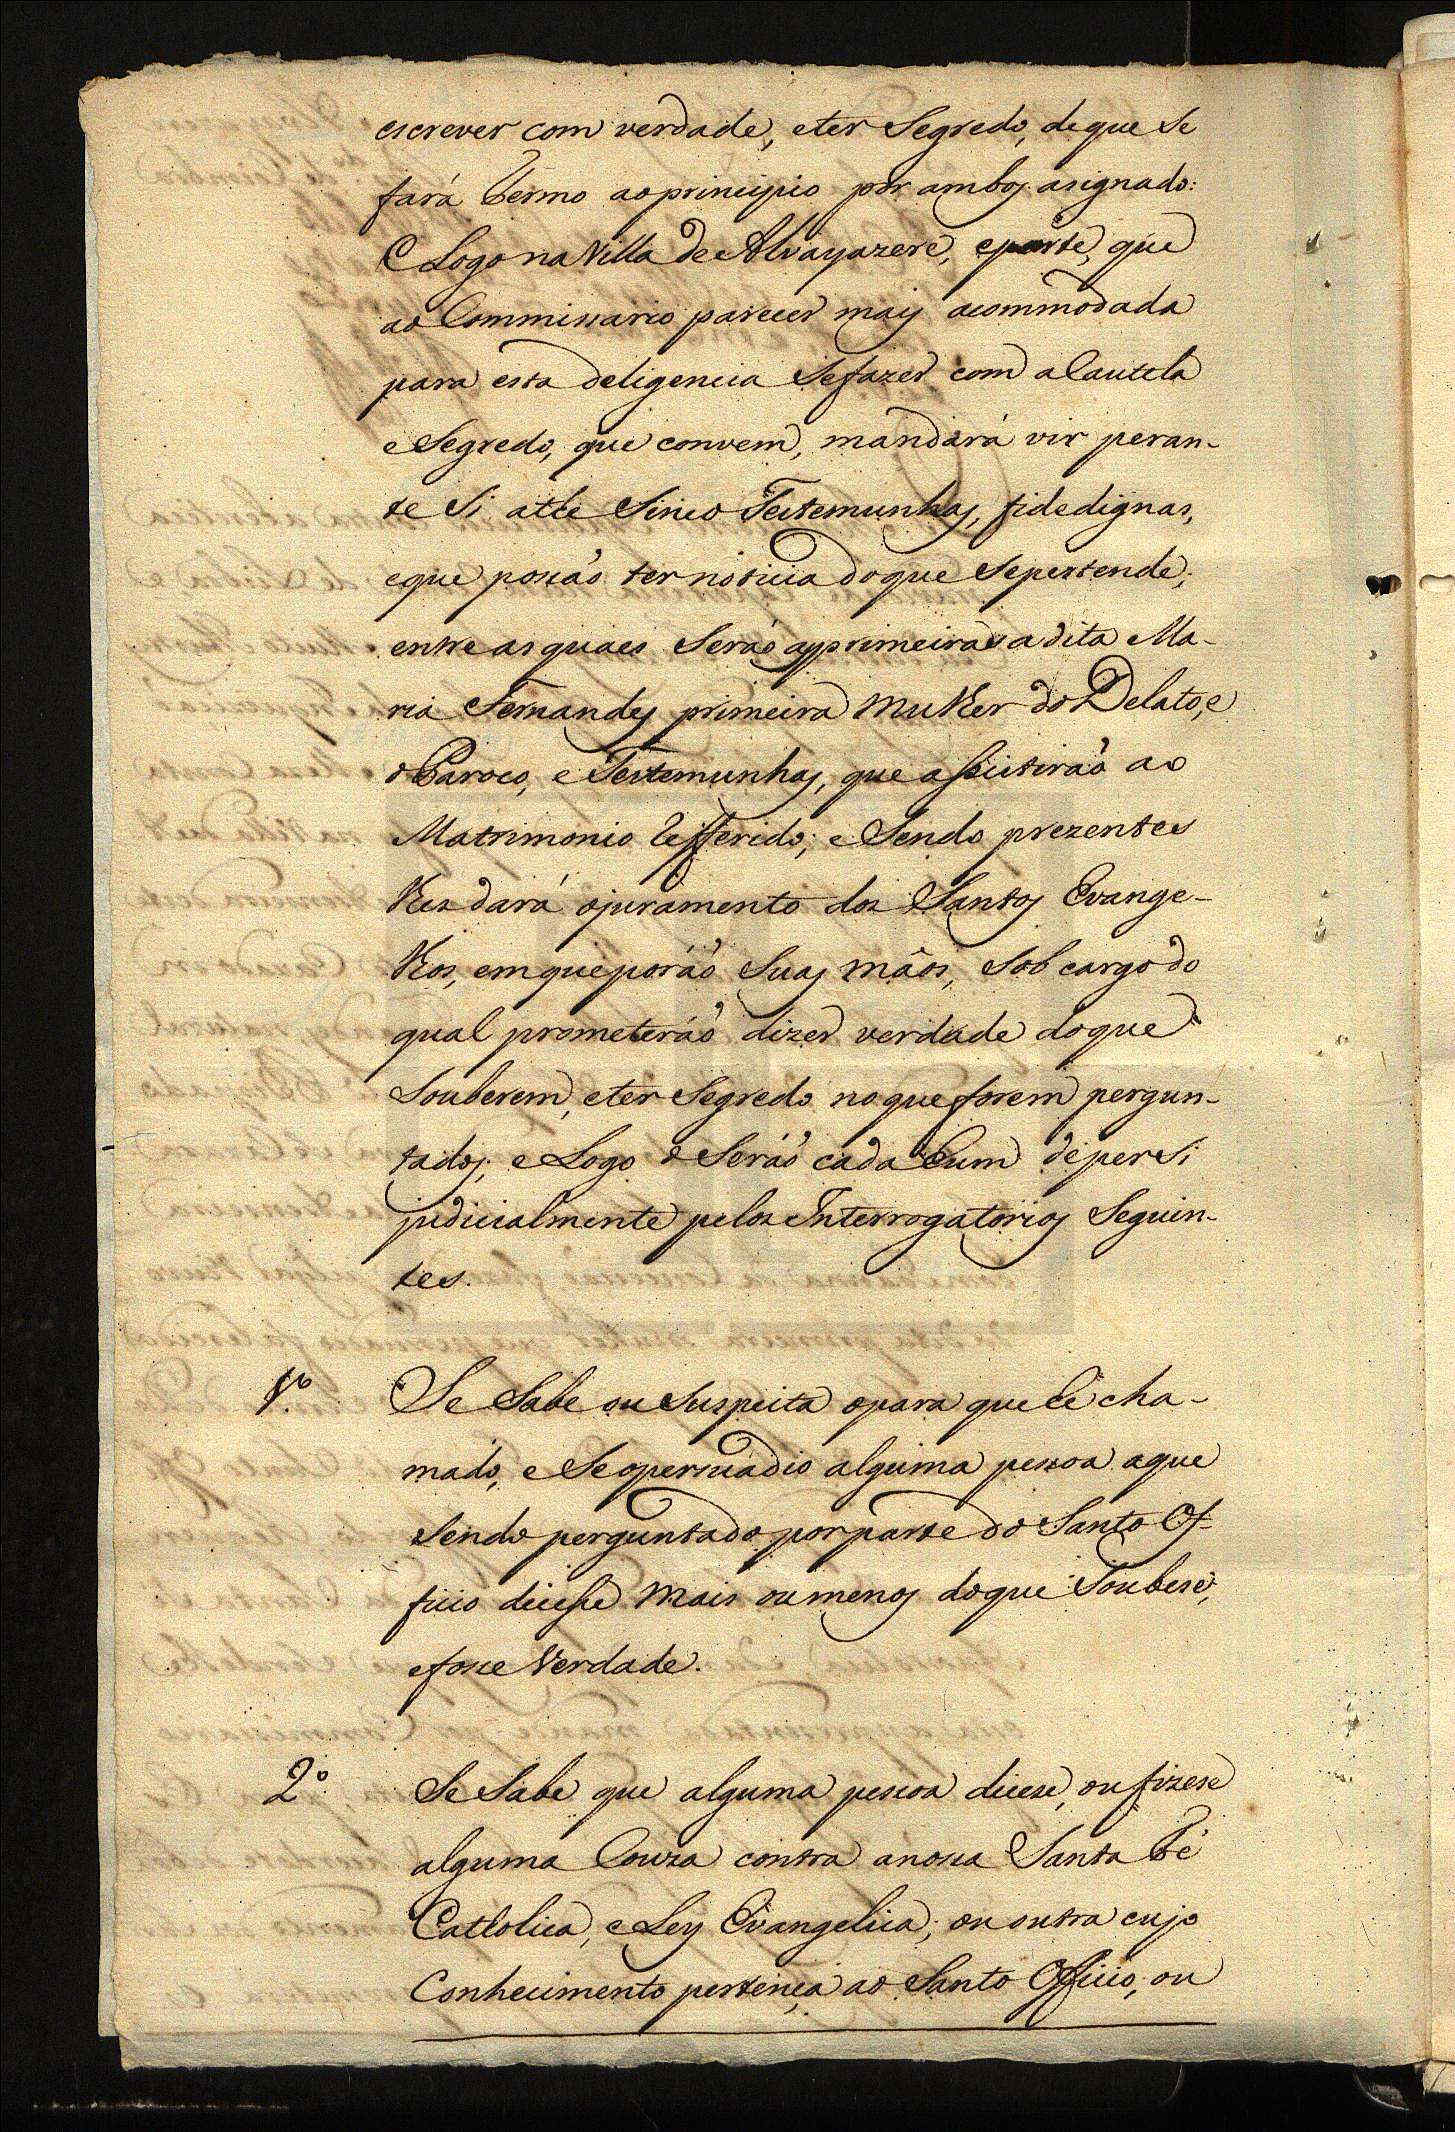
escrever com verdade, e ter Segredo, de que se
fará Termo ao principio por ambos asignado.
e logo na Villa de Alvayazere, e parte que
ao Commissario parecer mais acommodada
para esta deligencia se fazer com a Cautela
e Segredo, que convem, mandará vir peran
te si athe Sinco Testemunhas, fidedignas,
e que possaõ ter notica do que se pertende;
entre as quaes seraõ as primeiras a dita Ma
ria Fernandes primeira mulher do Delato, e
o Paroco, e Testemunhas, que assistiraõ ao
Matrimonio Refferido; e Sendo prezentes
lhes dará o juramento dos Santos Evange
lhos, em que poraõ Suas maõs, sob cargo do
qual prometeraõ dizer verdade do que
souberem, e ter segredo no que forem pergun
tados; e Logo o seraõ cada hum de per si
judicialmente pelos Interrogatorios seguin
tes.
1.o Se Sabe ou suspeita o para que he cha
mado, e se o persuadio alguma pessoa a que
sendo perguntado por parte do Santo Of
ficio dicesse mais ou menos do que soubese,
e fosse verdade.
2.o Se Sabe que alguma pessoa dicese, ou fizese
alguma Couza contra a nossa Santa Fé
Catholica, e Ley Evangelica; ou outra cujo
Conhecimento pertença ao Santo Officio, ou
